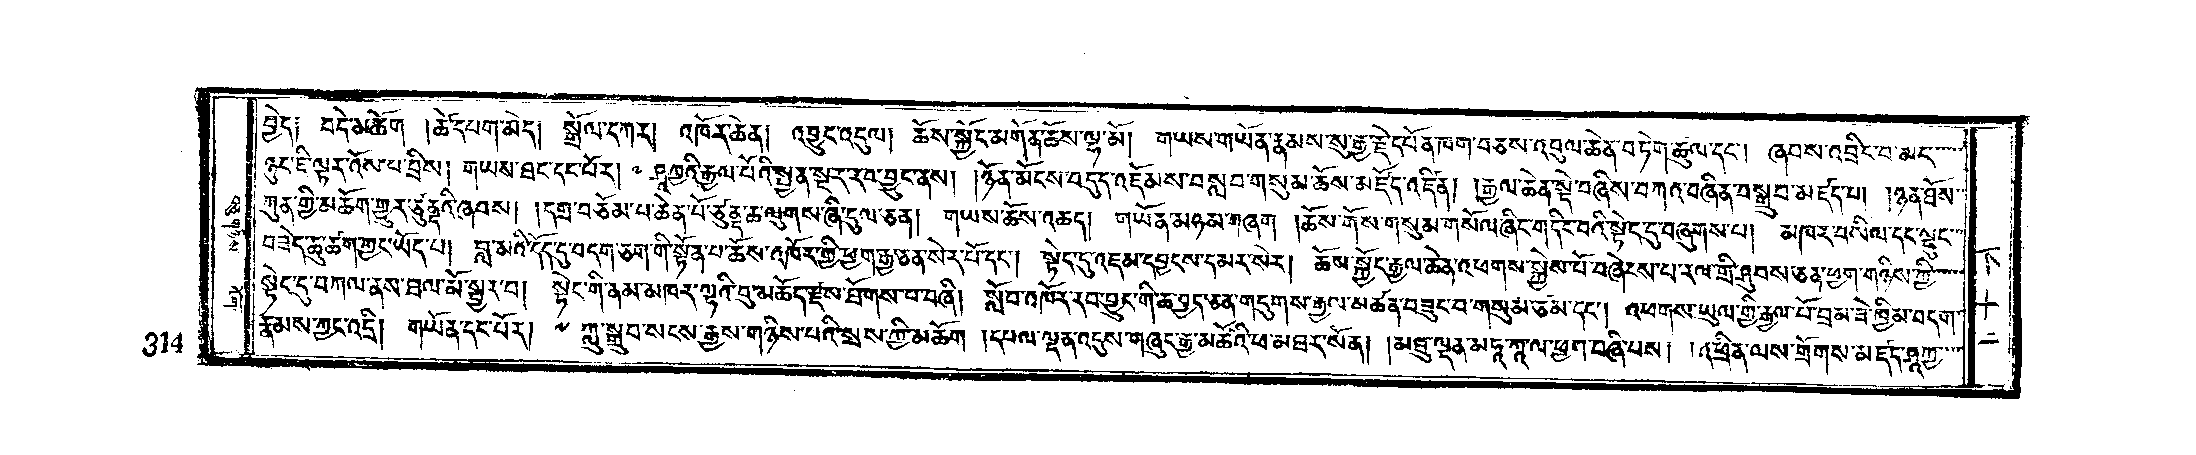བྱེད། བདེ་མཆོག །ཚེ་དཔག་མེད། སྒྲོལ་དཀར། འཁོར་ཆེན། འབྱུང་འདུལ། ཆོས་སྐྱོང་མགོན་ཆོས་ལྷ་མོ། གཡས་གཡོན་རྣམས་སུ་རྒྱ་རྗེ་དཔོན་ཁག་བཅས་འབུལ་ཆེན་བཏེག་ཚུལ་དང་། ཞབས་འབྲིང་བ་མང་
ཉུང་ཇི་ལྟར་འོས་པ་བྲིས། གཡས་ཐང་དང་པོར། ༧་ཤཱཀྱའི་རྒྱལ་པོའི་སྤྱན་སྔར་རབ་བྱུང་ནས། །ཉོན་མོངས་བདུད་འཇོམས་བསླབ་གསུམ་ཆོས་མཛོད་འཛིན། །རྒྱལ་ཆེན་སྡེ་བཞིས་བཀའ་བཞིན་བསྒྲུབ་མཛད་པ། །ཉན་ཐོས་
ཀུན་གྱི་མཆོག་གྱུར་ཙུནྡའི་ཞབས། །དགྲ་བཅོམ་པ་ཆེན་པོ་ཙུནྡ་ཆ་ལུགས་ཞི་དུལ་ཅན། གཡས་ཆོས་འཆད། གཡོན་མཉམ་གཞག །ཆོས་གོས་གསུམ་གསོལ་ཞིང་གདིང་བའི་སྟེང་དུ་བཞུགས་པ། མཁར་བསིལ་དང་ལྷུང་
བཟེད་ཆུ་ཚག་ཀྱང་ཡོད་པ། བླ་མའི་དོད་དུ་བདག་ཅག་གི་སྟོན་པ་ཆོས་འཁོར་གྱི་ཕྱག་རྒྱ་ཅན་སེར་པོ་དང་། སྟེང་དུ་འཇམ་དབྱངས་དམར་སེར། ཆོས་སྐྱོང་རྒྱལ་ཆེན་འཕགས་སྐྱེས་པོ་བཞེངས་པ་རལ་གྲི་ཤུབས་ཅན་ཕྱག་གཉིས་ཀྱི་
སྟེང་དུ་བཀལ་ནས་ཐལ་མོ་སྦྱར་བ། སྟེང་གི་ནམ་མཁར་ལྷའི་བུ་མཆོད་རྫས་ཐོགས་པ་བཞི། སློབ་འཁོར་རབ་བྱུང་གི་ཆ་བྱད་ཅན་གདུགས་རྒྱལ་མཚན་བཟུང་བ་གསུམ་ཙམ་དང་། འཕགས་ཡུལ་གྱི་རྒྱལ་པོ་བྲམ་ཟེ་ཁྱིམ་བདག་
རྣམས་ཀྱང་འདྲི། གཡོན་དང་པོར། ༧་ཀླུ་སྒྲུབ་སངས་རྒྱས་གཉིས་པའི་སྲས་ཀྱི་མཆོག །དཔལ་ལྡན་འདུས་གཞུང་རྒྱ་མཚོའི་ཕ་མཐར་སོན། །མཐུ་ལྡན་མཧཱ་ཀཱ་ལ་ཕྱག་བཞི་པས། །འཕྲིན་ལས་གྲོགས་མཛད་ཤཱཀྱ་